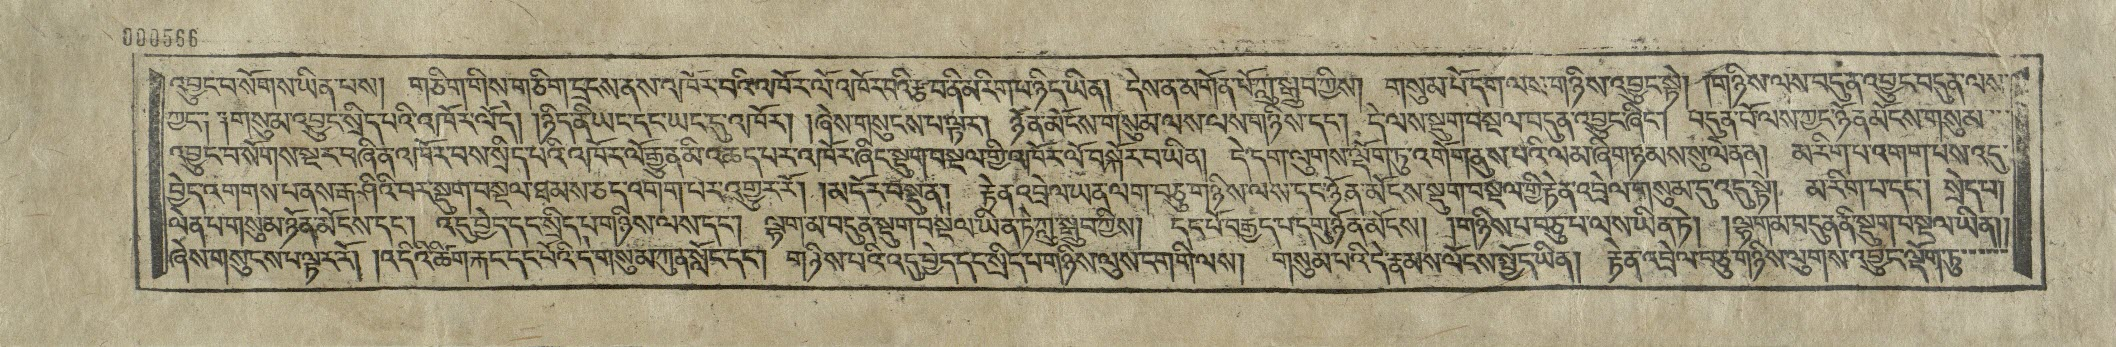འབྱུང་བ་སོགས་ཡིན་པས། གཅིག་གིས་གཅིག་དྲངས་ནས་འཁོར་བའི་འཁོར་ལོ་འཁོར་བའི་རྩ་བ་ནི་མ་རིག་པ་ཉིད་ཡིན། དེས་ན་མགོན་པོ་ཀླུ་སྒྲུབ་ཀྱིས། གསུམ་པོ་དག་ལས་གཉིས་འབྱུང་སྟེ། །གཉིས་ལས་བདུན་འབྱུང་བདུན་ལས་
ཀྱང༑ ༑གསུམ་འབྱུང་སྲིད་པའི་འཁོར་ལོ་དེ། །ཉིད་ནི་ཡང་དང་ཡང་དུ་འཁོར། །ཞེས་གསུངས་པ་ལྟར། ཉོན་མོངས་གསུམ་ལས་ལས་གཉིས་དང་། དེ་ལས་སྡུག་བསྔལ་བདུན་འབྱུང་ཞིང་། བདུན་པོ་ལས་ཀྱང་ཉོན་མོངས་གསུམ་
འབྱུང་བ་སོགས་སྔར་བཞིན་འཁོར་བས་སྲིད་པའི་འཁོར་ལོ་རྒྱུན་མི་འཆད་པར་འཁོར་ཞིང་སྡུག་བསྔལ་གྱི་འཁོར་ལོ་བསྐོར་བ་ཡིན། དེ་དག་ལུགས་ལྡོག་ཏུ་འགོག་ནུས་པའི་ལམ་ཞིག་ཉམས་སུ་ལེན་ན། མ་རིག་པ་འགག་པས་འདུ་
བྱེད་འགགས་པ་ནས་རྒ་ཤིའི་བར་སྡུག་བསྔལ་ཐམས་ཅད་འགག་པར་འགྱུར་རོ། །མདོར་བསྡུ་ན། རྟེན་འབྲེལ་ཡན་ལག་བཅུ་གཉིས་ལས་དང་ཉོན་མོངས་སྡུག་བསྔལ་གྱི་རྟེན་འབྲེལ་གསུམ་དུ་འདུ་སྟེ། མ་རིག་པ་དང་། སྲེད་པ།
ལེན་པ་གསུམ་ཉོན་མོངས་དང་། འདུ་བྱེད་དང་སྲིད་པ་གཉིས་ལས་དང་། ལྷག་མ་བདུན་སྡུག་བསྔལ་ཡིན་ཏེ་ཀླུ་སྒྲུབ་ཀྱིས། དང་པོ་བརྒྱད་པ་དགུ་ཉོན་མོངས། །གཉིས་པ་བཅུ་པ་ལས་ཡིན་ཏེ། །ལྷག་མ་བདུན་ནི་སྡུག་བསྔལ་ཡིན། །
ཞེས་གསུངས་པ་ལྟར་རོ། །འདིའི་ཚིག་རྐང་དང་པོའི་དེ་གསུམ་ཀུན་སློང་དང་། གཉིས་པའི་འདུ་བྱེད་དང་སྲིད་པ་གཉིས་ལུས་ངག་གི་ལས། གསུམ་པའི་དེ་རྣམས་ལོངས་སྤྱོད་ཡིན། རྟེན་འབྲེལ་བཅུ་གཉིས་ལུགས་འབྱུང་ལྡོག་ཏུ་